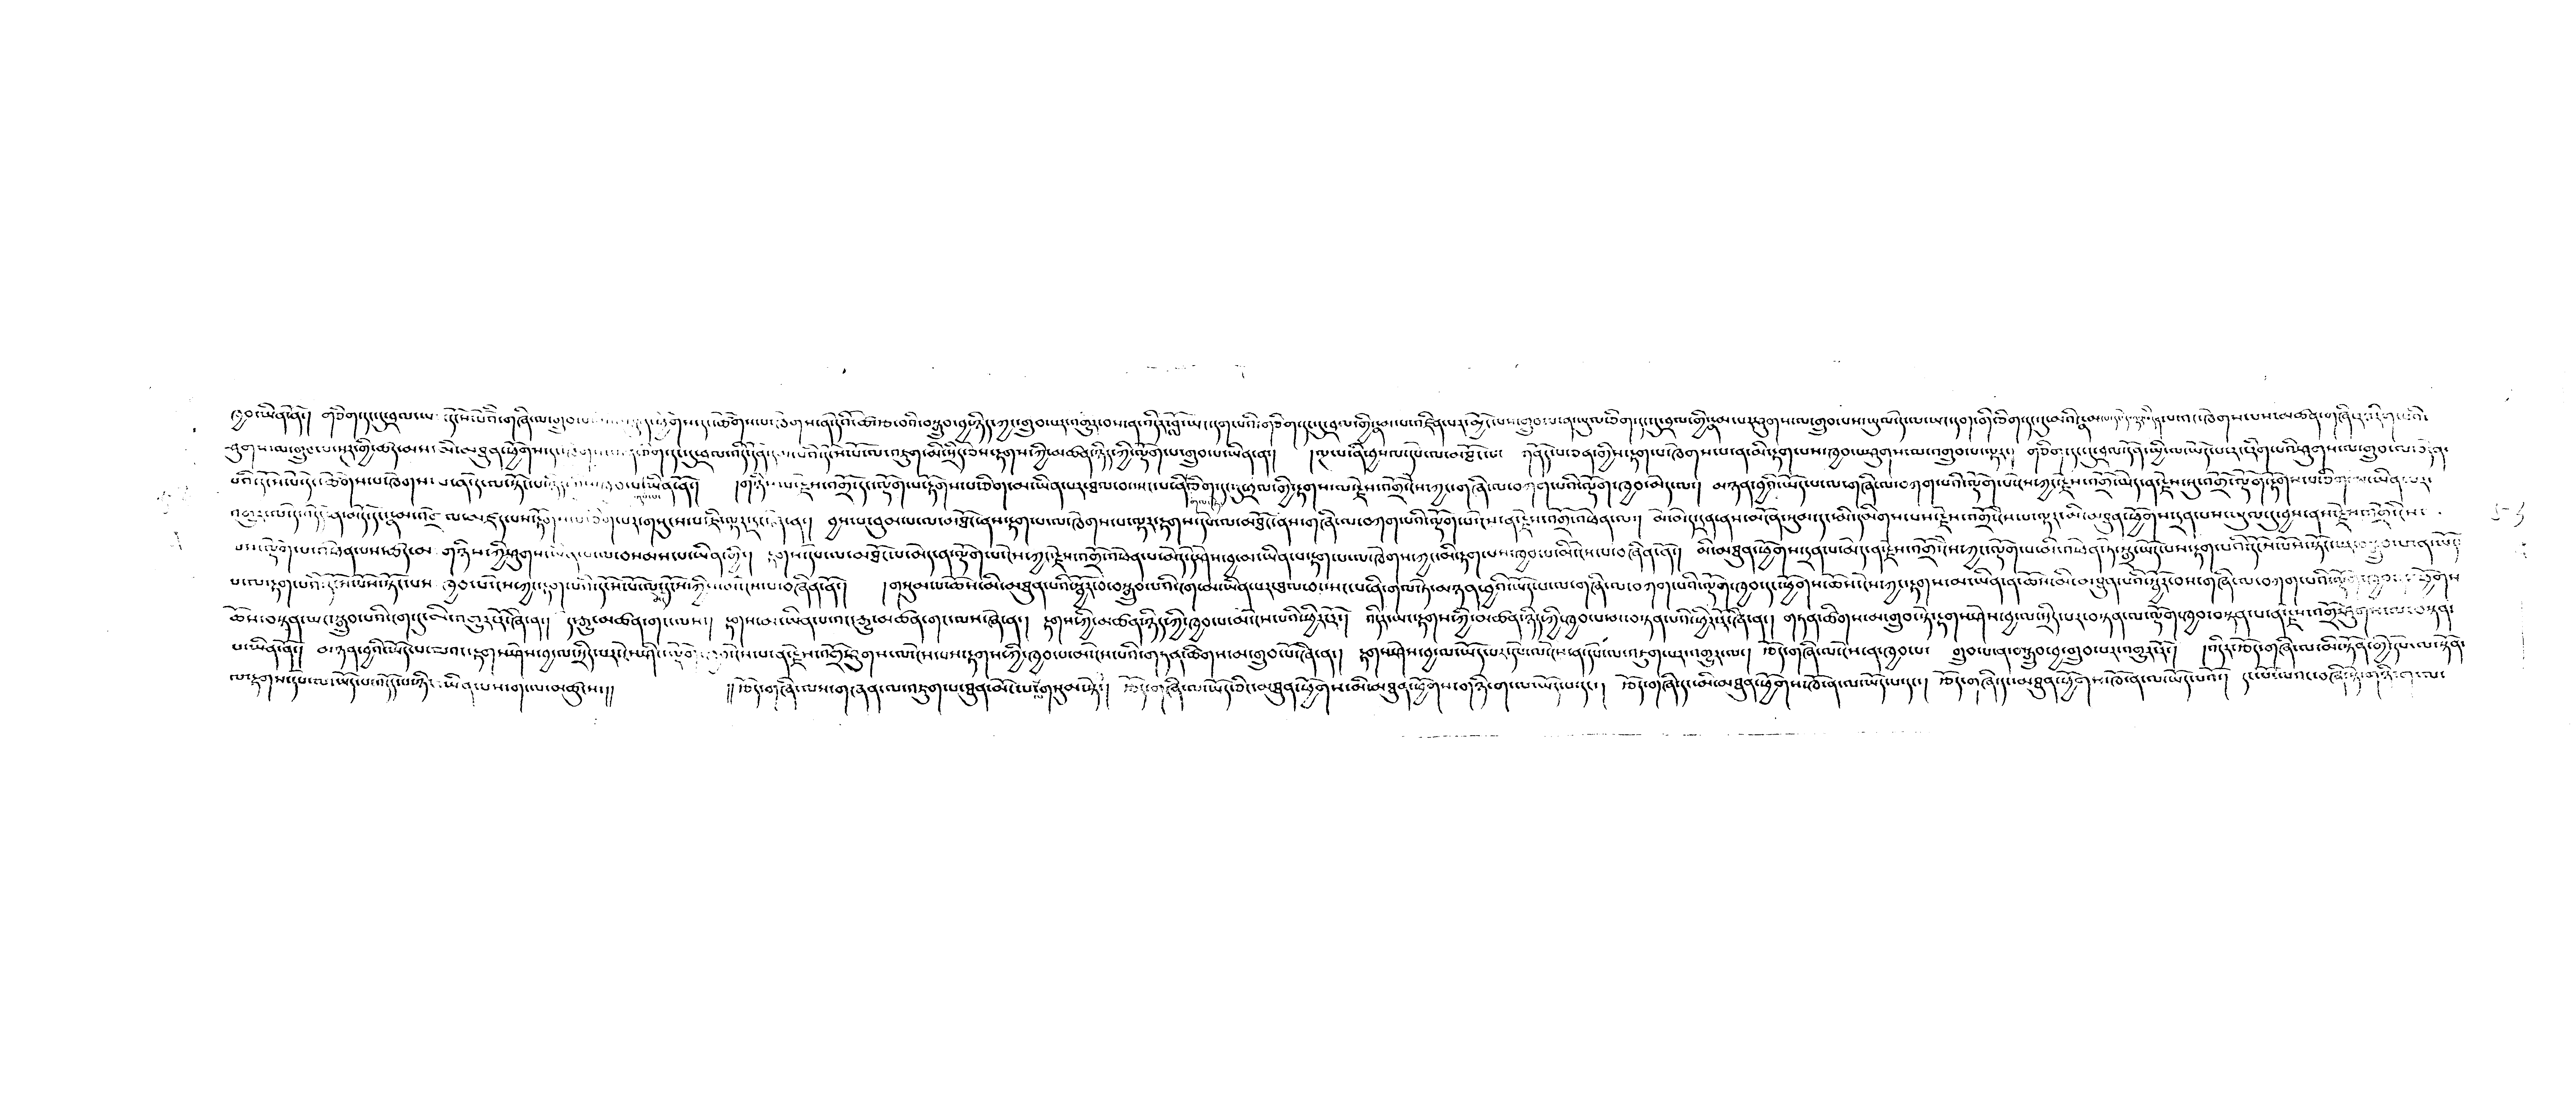ཁྱབ་ཡིན་ནོ། གཅིག་དང་དུ་བྲལ་ཡང་དངོས་པོའི་གཞི་ལ་གྲུབ་པ་??་དེ་ཕྱོགས་དང་ཚོགས་པ་ཁེགས་ན་དེའི་ཚེ་རྩ་བའི་བསྒྲུབ་བྱ་ཉིད་ཀྱང་གྲུབ་པར་འགྱུར་བས་ན་འདིར་བློ་ཡང་དག་པའི་གཅིག་དང་དུ་བྲལ་གྱི་རྣམ་པ་འཛིན་པར་མྱོང་པས་གྲུབ་པ་ན་ཡུལ་ཅིག་དང་དུ་བྲལ་གྱི་རྣམ་པར་ཤུགས་ལ་གྲུབ་པས་ཡུལ་དེ་ལ་ཡང་དག་གི་ཅིག་དང་དུ་མའི་རྣམ་པ་དང་དེ་ལྟར་བདེན་པ་འང་ཁེགས་པས་མཚན་གཞི་རང་རིག་པའི་
ཤུགས་མ་གྲུབ་པ་སྔར་གྱི་ཚད་མས་མི་མཐུན་ཕྱོགས་དང་ཁེགས་པ་ན་ཚིག་དང་དུ་བྲལ་འདི་དོན་དམ་པའི་དངོས་པོ་ལ་འཇུག་མི་སྲིད་ཅེས་རྟགས་ཀྱི་མཚན་ཉིད་ཀྱི་ལྡོག་པ་གྲུབ་པ་ཡིན་ན། །ལྔ་པ་ནི་བྱས་པ་དཔེ་ལ་མཐོང་པ་གནོད་པ་ཅན་གྱིས་རྟག་པ་ཁེགས་པ་ན་མི་རྟག་པས་ཁྱབ་པ་ཤུགས་མ་འགྲུབ་པ་ལྟར། གཅིག་དང་དུ་བྲལ་དོན་སྤྱི་ལ་ཡོད་པར་རང་རིག་པའི་ཤུགས་ལ་གྲུབ་ལ་བདེན་
པའི་དངོས་པོ་དང་ཚོགས་པ་ཁེགས་པར་ན་དེ་ལ་སྟོང་པ་ཉིད་གྱིས་ཁྱབ་པ་ཡིན་ནོ། །གཉིས་པ་རྗེས་འགྲོ་དང་ལྡོག་པ་རྟོགས་པ་ཅིག་མ་ཡིན་པར་ཐལ་བ་སྤང་པ་ནི་གལ་ཏེ་ཅིག་དང་དུ་བྲལ་གྱི་རྟགས་ལ་རྗེས་འགྲོ་ངེས་ཀྱང་གཞི་ལ་བཀག་པའི་ལྡོག་ཁྱབ་མེད་ལ། མཉན་བྱའི་ཡོད་པ་ལ་གཞི་ལ་བཀག་པའི་ལྡོག་པ་ངེས་ཀྱང་རྗེས་འགྲོ་ཡོད་ན་རྗེས་སུ་འགྲོ་ལྡོག་རྟོགས་པ་ཅིག་ལ་ཡིན་པར་
འགྱུར་ལ་དེ་འདོད་ན་མདོ་དང་རྣམ་འགྲོལ་མཛད་པས་རྟོགས་པ་ཅིག་པར་གསུངས་པ་ཇི་ལྟར་དྲང་ཞེ་ན། བྱས་པ་བུམ་པ་ལ་མཐོང་ནས་རྟག་པ་ལ་ཁེགས་པ་ལྟར་རྟག་དཔེ་ལ་མཐོང་ནས་གཞི་ལ་བཀག་པའི་ལྡོག་པ་ངེས་ན་རྗེས་འགྲོ་འཕེན་ལ། མེ་མེད་དྲན་ནས་མངོན་སུམ་དང་མི་དམིགས་པས་རྗེས་འགྲོ་ངེས་པ་ལྟར་མི་མཐུན་ཕྱོགས་དྲན་པས་ཡུལ་དུ་བྱས་ནས་རྗེས་འགྲོ་ངེས་
པས་ལྡོག་པ་འཕེན་པས་ཚད་མ་གཉིས་ཀྱི་ཤུགས་ཡིན་པ་ལ་བསམས་པ་ཡིན་གྱི། རྟགས་དཔེ་ལ་མཐོང་པ་མེད་ན་ལྡོག་པ་ངེས་ཀྱང་རྗེས་འགྲོ་འཕེན་པ་མེད་དོ་ཤེས་བྱ་མ་ཡིན་པ་རྟག་པ་ལ་ཁེགས་ཀྱང་མི་རྟག་པས་ཁྱབ་པ་མི་ངེས་པ་བཞིན་ནོ། མི་མཐུན་ཕྱོགས་དྲན་པ་མེད་ན་རྗེས་འགྲོ་ངེས་ཀྱང་ལྡོག་པ་མི་འཕེན་ཏེ་སྒྲ་ཡོད་པས་རྟག་པའི་དངོས་པོས་སྟོང་པར་བསྒྲུབ་པ་ན་ཡོད་
པ་ལ་རྟག་པའི་དངོས་པོས་སྟོང་པས་ཁྱབ་པ་ངེས་ཀྱང་རྟག་པའི་དངོས་པོ་ལ་མེད་དངོས་ཀྱིས་མ་ངེས་པ་བཞིན་ནོ། །གསུམ་པ་ཆོས་མི་མཐུན་པའི་སྦྱོར་བ་བསྒྲུབ་པའི་ངག་མ་ཡིན་པར་ཐལ་བ་སྤང་པ་ནི་གལ་ཏེ་མཉན་བྱའི་ཡོད་པ་ལ་གཞི་ལ་བཀའ་པའི་ལྡོག་ཁྱབ་དང་ཕྱོགས་ཆོས་ངེས་ཀྱང་རྟགས་མ་ཡིན་ན་ཆོས་མི་མཐུན་པའི་སྦྱོར་བས་གཞི་ལ་བཀག་པའི་ལྡོག་ཁྱབ་དང་ཕྱོགས་
ཆོས་བསྟན་ཡང་སྒྲུབ་པའི་ངག་དུ་མི་འགྱུར་རོ་ཞེ་ན། དེ་རྒྱུ་མཚན་གང་ལས། རྟགས་མ་ཡིན་པ་འང་རྒྱུ་མཚན་གང་ལས་ཞེ་ན། རྟགས་ཀྱི་མཚན་ཉིད་ཀྱི་ཁྱབ་པ་མ་ངེས་པའི་ཕྱིར་རོ། འདིར་ཡང་རྟགས་ཀྱི་མཚན་ཉིད་ཀྱི་ཁྱབ་པ་མ་བསྟན་པའི་ཕྱིར་རོ་ཞེ་ན། གཏན་ཚིགས་མ་གྲུབ་སྟེ་རྟགས་ཤེས་བྱ་ལ་སྲིད་པར་བསྟན་ལ་ལྡོག་ཁྱབ་བསྟན་པ་ན་རྗེས་འགྲོ་ཤུགས་ལ་བསྟན་
པ་ཡིན་ནོ། མཉན་བྱའི་ཡོད་པ་ལའང་རྟགས་ཤེས་བྱ་ལ་སྲིད་པར་ངེས་ཤིང་ལྡོག་ཁྱབ་ངེས་པ་ན་རྗེས་འགྲོ་ཤུགས་ལ་ངེས་པས་རྟགས་ཀྱི་ཁྱབ་པ་མ་ངེས་པའི་གཏན་ཚིགས་མ་གྲུབ་པོ་ཞེ་ན། རྟགས་ཤེས་བྱ་ལ་ཡོད་པར་དཔེ་ལ་ངེས་ན་དཔེ་ལ་འཇུག་པར་འགྱུར་ལ། རྩོད་གཞི་ལ་ངེས་ན་ཁྱབ་པ་གྲུབ་པ་ན་བསྒྲུབ་བྱ་གྲུབ་པར་འགྱུར་རོ། །འདིར་རྩོད་གཞི་ལ་མི་སྟོན་གྱི་དཔེ་ལ་སྟོན་
ལ་རྟགས་དཔེ་ལ་ཡོད་པ་འདོད་པ་ཉིད་ཡིན་པས་ག་ལ་མཚུངས།། །།རྩོད་གཞི་ལས་གཞན་ལ་འཇུག་པ་ཐུན་མོང་པ་ལ་གསུམ་སྟེ། རྩོད་གཞི་ལ་ཡོད་ཅིང་མཐུན་ཕྱོགས་མི་མཐུན་ཕྱོགས་གཉི་ག་ལ་ཡོད་པ་དང་། རྩོད་གཞི་དང་མི་མཐུན་ཕྱོགས་ཁོ་ན་ལ་ཡོད་པ་དང་། རྩོད་གཞི་དང་མཐུན་ཕྱོགས་ཁོ་ན་ལ་ཡོད་པའོ། དང་པོ་ལའང་བཞི་སྟེ་གཉི་ག་ལ་